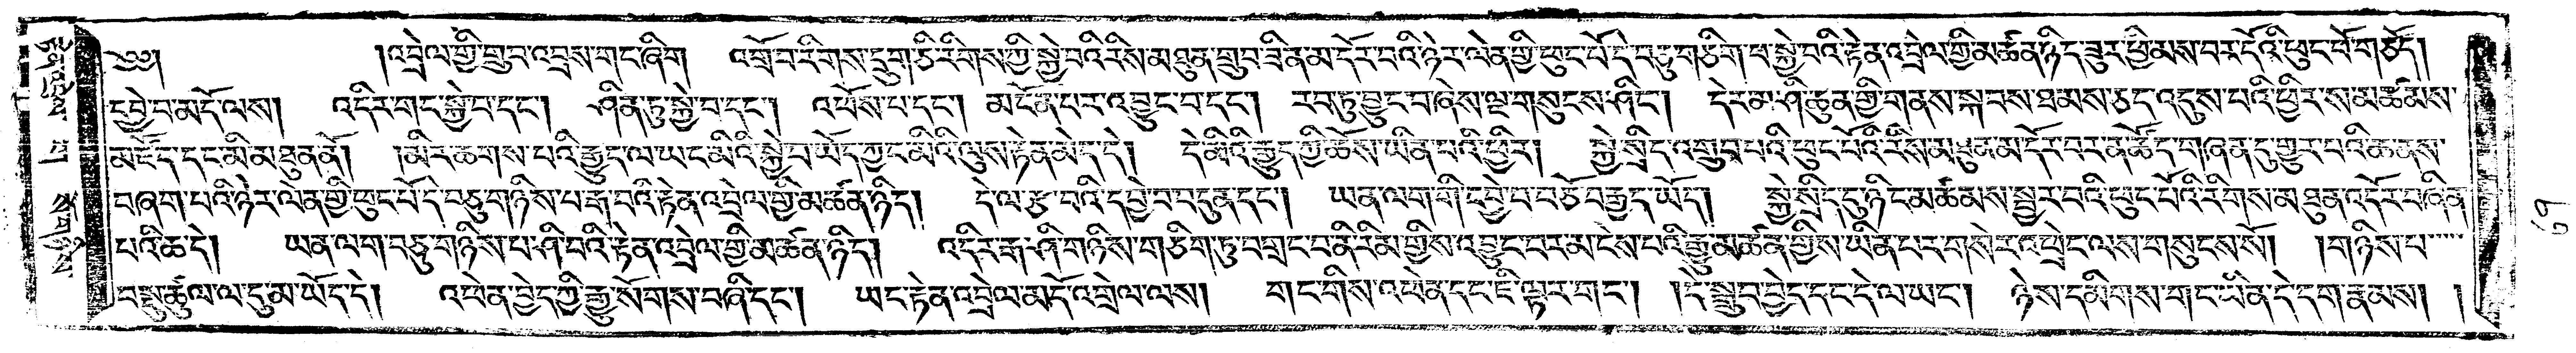༄༅། །འབྲེལ་གྱི་གྲུབ་འབྲས་གང་ཞིག་འགྲོ་བ་རིགས་དྲུག་ཅི་རིགས་ཀྱི་སྐྱེ་བའི་རིས་མཐུན་གྲུབ་ཟིན་མ་དོར་བའི་ཉེར་ལེན་གྱི་ཕུང་པོ་དེ་བཅུ་གཅིག་པ་སྐྱེ་བའི་རྟེན་འབྲེལ་གྱི་མཚན་ཉིད་ཟུར་ཕྱི་མས་བར་དོའི་ཕུང་པོ་གཅོད།
དབྱེ་བ་མདོ་ལས་འདིར་གང་སྐྱེ་བ་དང་། ཤིན་ཏུ་སྐྱེ་བ་དང་། འཕོས་པ་དང་། མངོན་པར་འབྱུང་བ་དང་། རབ་ཏུ་བྱུང་བ་ཞེས་ལྔ་གསུངས་ཤིང་། དེར་མ་ཤི་ཆུན་གྱི་གནས་སྐབས་ཐམས་ཅད་འདུས་པའི་ཕྱིར་སམ་ཚམས་
མཛོད་དང་མི་མཐུན་ནོ། །མིར་ཆགས་པའི་རྒྱུད་ལ་ཡང་མིའི་སྐྱེ་བ་ཡོད་ཀྱང་མིའི་ལུས་རྟེན་མེད་དེ། དེ་མིའི་རྒྱུད་ཀྱི་ཆོས་ཡིན་པའི་ཕྱིར། སྐྱེ་སྲིད་འགྲུབ་པའི་ཕུང་པོའི་རིས་མཐུན་མདོར་བར་ན་ཚོད་གཞན་དུ་གྱུར་བའི་ཆ་ནས་
བཞག་པའི་ཉེར་ལེན་གྱི་ཕུང་པོ་དེ་བཅུ་གཉིས་བརྒ་བའི་རྟེན་འབྲེལ་གྱི་མཚན་ཉིད། དེ་ལ་རྩ་བའི་དབྱེ་བ་བདུན་དང་། ཡན་ལག་གི་དབྱེ་བ་བཅོ་བརྒྱད་ཡོད། སྐྱེ་སྲིད་དུ་ཉིང་མཆམས་སྦྱར་བའི་ཕུང་པོའི་རིགས་མཐུན་འདོར་བཞིན་
པའི་ཆ་དེ། ཡན་ལག་བཅུ་གཉིས་པ་ཤི་བའི་རྟེན་འབྲེལ་གྱི་མཚན་ཉིད། འདིར་རྒ་ཤི་གཉིས་གཅིག་ཏུ་བགྲང་བ་ནི་རིམ་གྱིས་འབྱུང་བར་མངེས་པའི་རྒྱུ་མཚན་གྱིས་ཡིན་པར་གསེར་འཕྲེང་ལས་གསུངས་སོ། །གཉིས་པ་
བསྡུ་ཚུལ་ལ་དུ་མ་ཡོད་དེ། འཕེན་བྱེད་ཀྱི་རྒྱུ་སོགས་བཞི་དང་། ཡང་རྟེན་འབྲེལ་མདོ་འགྲེལ་མདོ་འགྲེལ་ལས། གང་གིས་འཕེན་དང་ཇི་ལྟར་གང་། །དེ་སྒྲུབ་བྱེད་དང་དེ་ལ་ཡང་། ཉེས་དམིགས་གང་ཡིན་དེ་དག་རྣམས། །